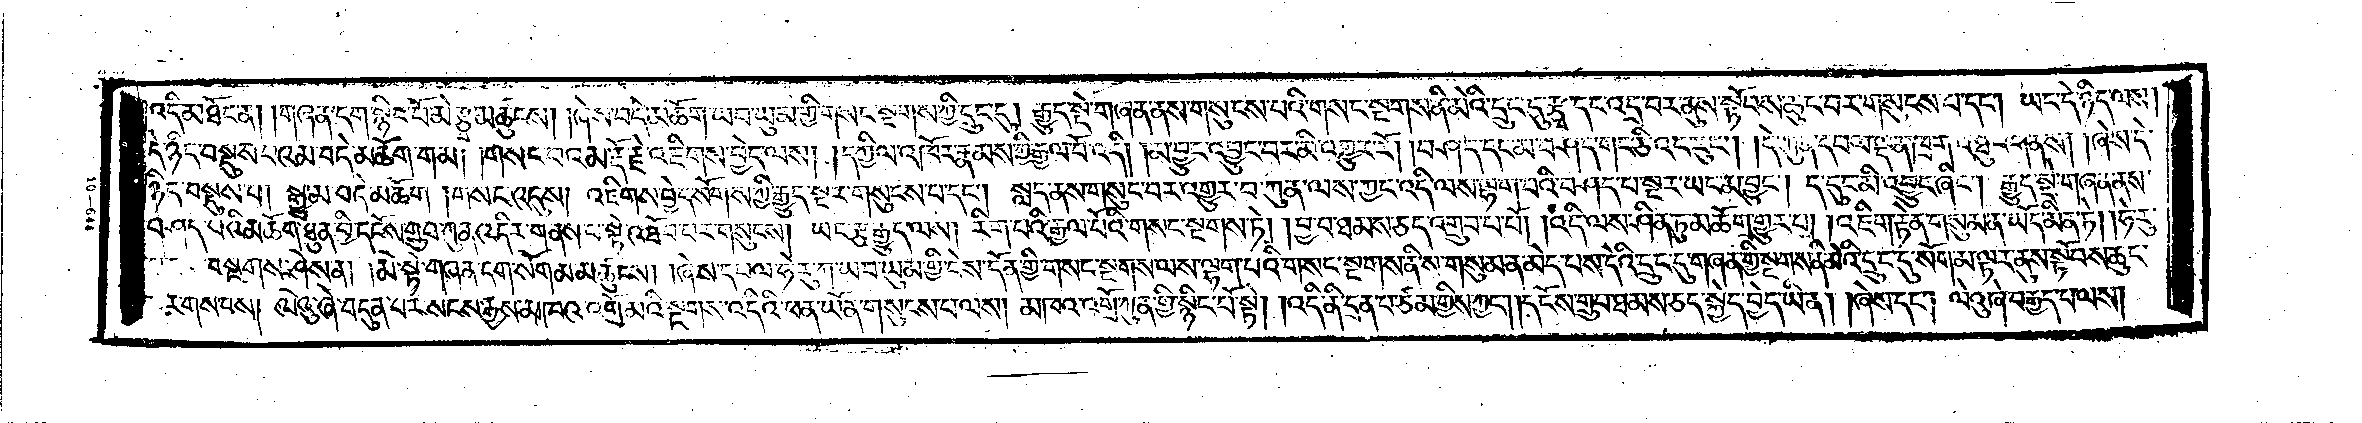འདི་མཐོང་ན། །གཞན་དག་སྙིང་པོ་མེ་རྩྭ་མཚུངས། །ཞེས་བདེ་མཆོག་ཡབ་ཡུམ་གྱི་གསང་སྔགས་ཀྱི་དྲུང་དུ། རྒྱུད་སྡེ་གཞན་ནས་གསུངས་པའི་གསང་སྔགས་ནི་མེའི་དྲུང་དུ་རྩྭ་དང་འདྲ་བར་ནུས་སྟོབས་ཆུང་བར་གསུངས་པ་དང་། ཡང་དེ་ཉིད་ལས།
དེ་ཉིད་བསྡུས་པའམ་བདེ་མཆོག་གམ། །གསང་བ་འམ་རྡོ་རྗེ་འཇིགས་བྱེད་ལས། །དཀྱིལ་འཁོར་རྣམས་ཀྱི་རྒྱལ་པོ་འདི། །མ་བྱུང་འབྱུང་བར་མི་འགྱུར་རོ། །བཤད་དང་མ་བཤད་གང་ཅི་འང་རུང་། །དེ་ཀུན་དཔལ་ལྡན་ཁྲག་འཐུང་གནས། །ཞེས་དེ་
ཉིད་བསྡུས་པ། སྒྱུ་མ་བདེ་མཆོག །གསང་འདུས། འཇིགས་བྱེད་སོགས་ཀྱི་རྒྱུད་སྔར་གསུངས་པ་དང་། སླད་ནས་གསུང་བར་འགྱུར་བ་ཀུན་ལས་ཀྱང་འདི་ལས་ལྷག་པའི་བཤད་པ་སྔར་ཡང་མ་བྱུང་། ད་དུང་མི་འབྱུང་ཞིང་། རྒྱུད་སྡེ་གཞན་ནས་
བཤད་པའི་མཆོག་ཐུན་གྱི་དངོས་གྲུབ་ཀུན་འདིར་གནས་པ་སྟེ་འཐོབ་པར་གསུངས། ཡང་རྩ་རྒྱུད་ལས། རིག་པའི་རྒྱལ་པོའི་གསང་སྔགས་ཏེ། །བྱ་བ་ཐམས་ཅད་འགྲུབ་པ་པོ། །འདི་ལས་ཤིན་ཏུ་མཆོག་གྱུར་པ། །འཇིག་རྟེན་གསུམ་ན་ཡོད་མིན་ཏེ། །ཧེ་རུ་
ཀ་དཔལ་སྔགས་ཤེས་ན། །མེ་སྟེ་གཞན་དག་སོག་མ་མཚུངས། །ཞེས་དཔལ་ཧེ་རུ་ཀ་ཡབ་ཡུམ་གྱི་ངེས་དོན་གྱི་གསང་སྔགས་ལས་ལྷག་པའི་གསང་སྔགས་ནི་ས་གསུམ་ན་མེད་པས་དེའི་དྲུང་དུ་གཞན་གྱི་སྔགས་ནི་མེའི་དྲུང་དུ་སོག་མ་ལྟར་ནུས་སྟོབས་ཆུང་
བར་གསུངས། ལེའུ་ཞེ་བདུན་པར་སངས་རྒྱས་མཁའ་འགྲོ་མའི་སྔགས་འདིའི་ཕན་ཡོན་གསུངས་པ་ལས། མཁའ་འགྲོ་ཀུན་གྱི་སྙིང་པོ་སྟེ། །འདི་ནི་དྲན་བཙམ་གྱིས་ཀྱང་། །དངོས་གྲུབ་ཐམས་ཅད་སྐྱེད་བྱེད་ཡིན། །ཞེས་དང་། ལེའུ་ཞེ་བརྒྱད་པ་ལས།